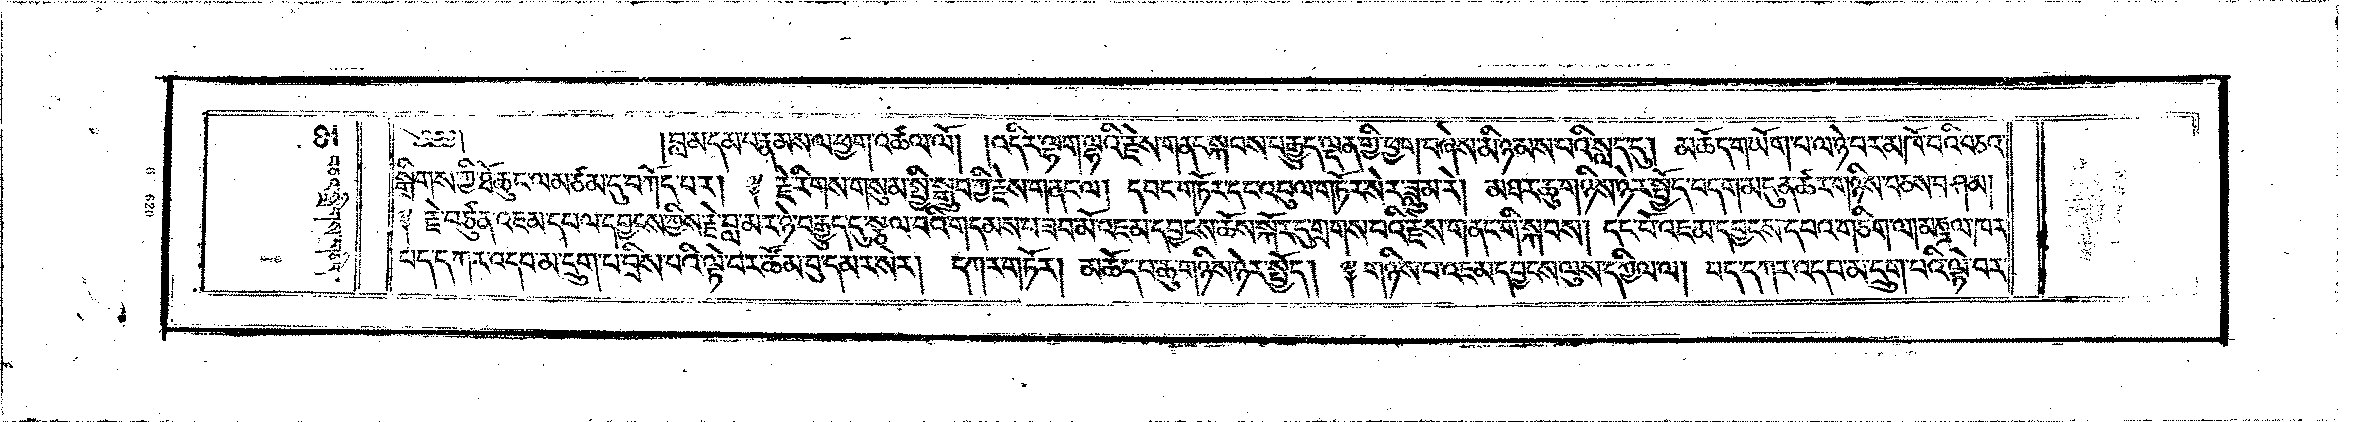༄༅༅། །བླ་མ་དམ་པ་རྣམས་ལ་ཕྱག་འཚལ་ལོ། །འདིར་ལྷག་ལྷའི་རྗེས་གནང་སྐབས་བརྒྱུད་ལྡན་གྱི་ཕྱག་བཞེས་མི་ཉམས་པའི་སླད་དུ། མཆོད་གཡོག་པ་ལ་ཉེ་བར་མཁོ་བའི་བཅའ་སྒྲིགས་ཀྱི་ཐོ་ཆུང་ལམ་ཙམ་དུ་བཀོད་པར། ༈ རྗེ་རིགས་གསུམ་སྤྱི་སྒྲུབ་ཀྱི་རྗེས་གནང་ལ། དབང་གཏོར་དང་འབུལ་གཏོར་སེར་ཟླུ་མ་རེ། མཐར་ཆུ་གཉིས་ཉེར་སྤྱོད་བདག་མདུན་ཚར་གཉིས་བཅས་བཤམ།
༈ རྗེ་བཙུན་འཇམ་དཔལ་དབྱངས་ཀྱིས་རྗེ་བླ་མར་ཉེ་བརྒྱུད་དུ་སྩལ་བའི་གདམས་པ་ཟབ་མོ་འཇམ་དབྱངས་ཆོས་སྐོར་དུ་གྲགས་པའི་རྗེས་གནང་གི་སྐབས། དང་པོ་འཇམ་དབྱངས་དཔའ་གཅིག་ལ། མཎྜལ་ཁར་
པད་དཀར་འདབ་མ་དྲུག་པ་བྲིས་པའི་ལྟེ་བར་ཚོམ་བུ་དམར་སེར། དཀར་གཏོར། མཆོད་པ་ཆུ་གཉིས་ཉེར་སྤྱོད། ༈ གཉིས་པ་འཇམ་དབྱངས་ལུས་དཀྱིལ་ལ། པད་དཀར་འདབ་མ་དྲུག་པའི་ལྟེ་བར་